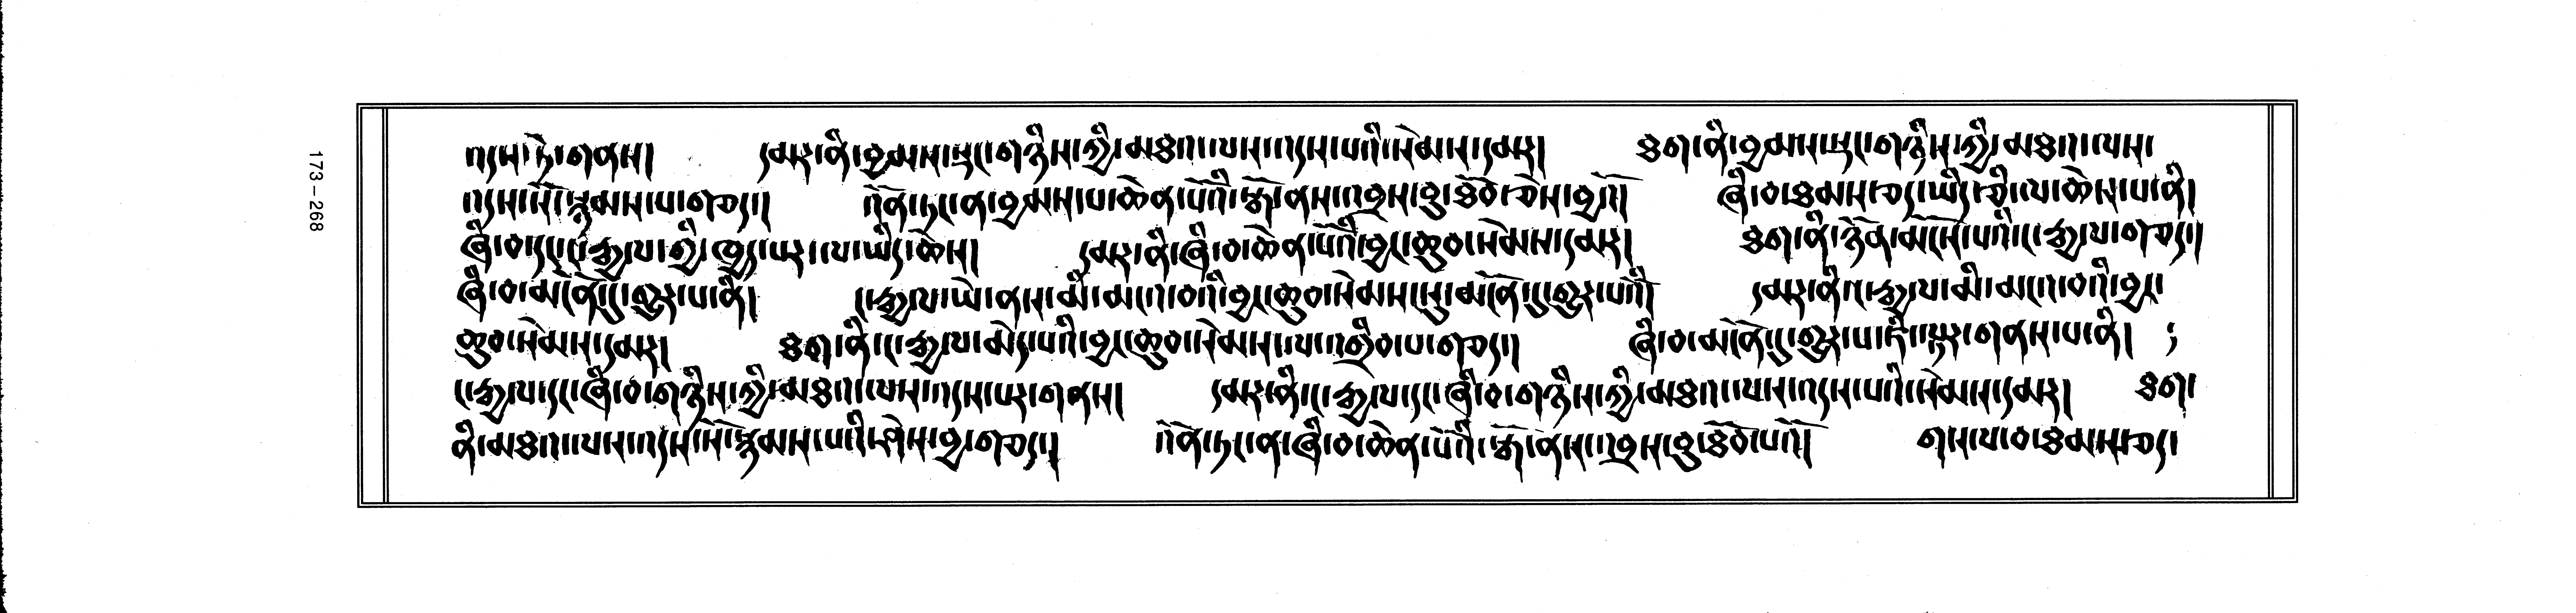འདས་ཏེ་གནས། དམར་ནི་བྱམས་སྡང་གཉིས་ཀྱི་མཐའ་ལས་འདས་པའི་སེམས་དམར། ཐག་ནི་བྱམས་སྡང་གཉིས་ཀྱི་མཐའ་ལས་
འདས་སོ་སྙམ་པ་གཅད། འོན་ཏང་ན་བྱམས་པ་ཆེན་པོའི་སྒོ་ནས་འབྲས་བུ་ཐོབ་ཅེས་བྱའོ། །ཞི་བ་ཐམས་ཅད་ཡིད་ཅི་ལ་ཆེས་པ་ནི། 
ཞི་བ་དང་ང་རྒྱལ་གྱི་ཁྱད་པར་ལ་ཡིད་ཆེས། དམར་ནི་ཞི་བ་ཆེན་པོའི་བྱང་ཆུབ་སེམས་དམར། ཐག་ནི་ཉོན་མོངས་པའི་ང་རྒྱལ་གཅད། 
ཞི་བ་མངོན་དུ་གྱུར་པ་ནི། ང་རྒྱལ་ཡེ་ནས་མི་མངའ་བའི་བྱང་ཆུབ་སེམས་སུ་མངོན་དུ་གྱུར་པའོ། །དམར་ནི་ང་རྒྱལ་མི་མངའ་བའི་བྱང་
ཆུབ་སེམས་དམར། ཐག་ནི་ང་རྒྱལ་མི་མངའ་བའི་བྱང་ཆུབ་སེམས་ལ་འགྲིབ་པ་གཅད། ཞི་བ་མངོན་དུ་གྱུར་པ་ཇི་ལྟར་གནས་པ་ནི། 
ང་རྒྱལ་དང་ཞི་བ་གཉིས་ཀྱི་མཐའ་ལས་འདས་པར་གནས། དམར་ནི་ང་རྒྱལ་དང་ཞི་བ་གཉིས་ཀྱི་མཐའ་ལས་འདས་པའི་སེམས་དམར། ཐག་
ནི་མཐའ་ལས་འདས་སོ་སྙམ་པའི་ཤེས་བྱ་གཅད། འོན་ཏང་ན་ཞི་བ་ཆེན་པོའི་སྒོ་ནས་འབྲས་བུ་ཐོབ་པའོ། །གསལ་བ་ཐམས་ཅད་